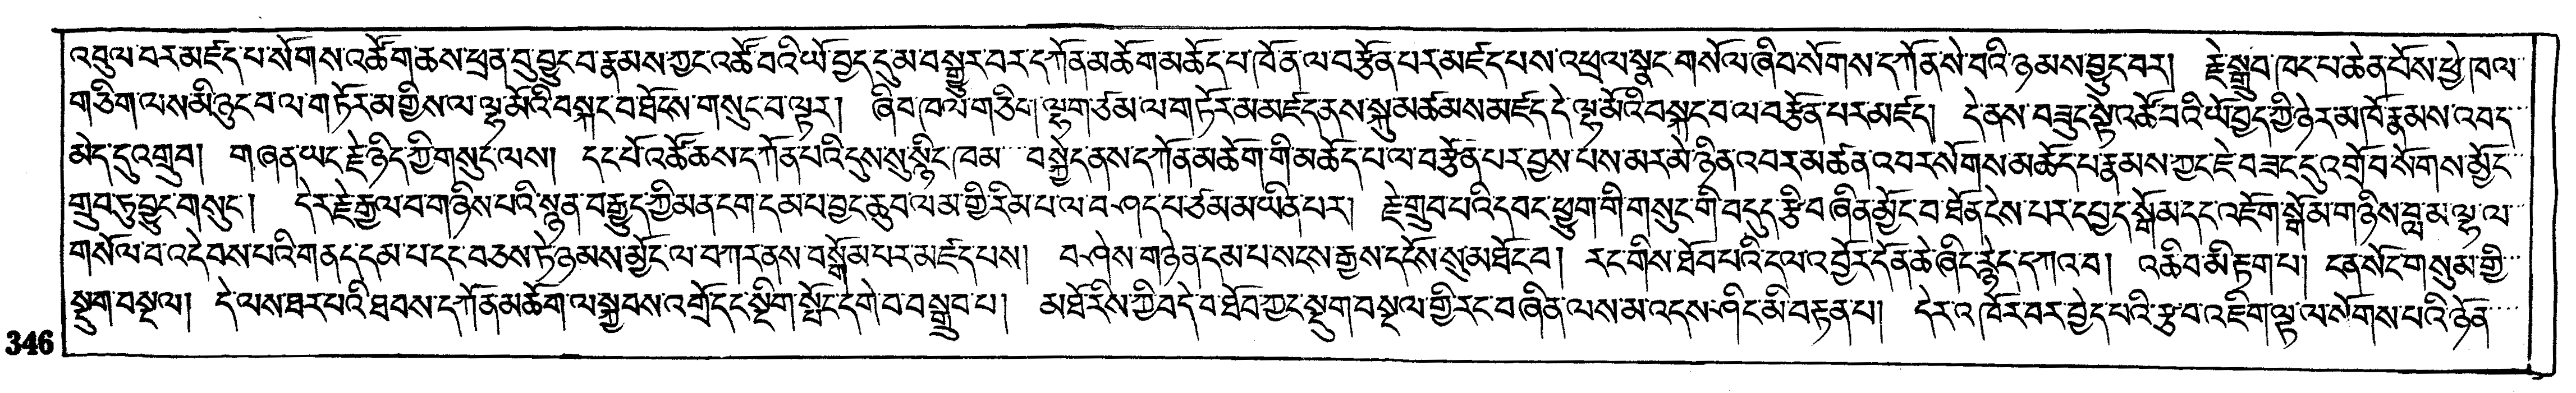འབུལ་བར་མཛད་པ་སོགས་འཚོག་ཆས་ཕྲན་བ་བྱུང་བ་རྣམས་ཀྱང་འཚོ་བའི་ཡོ་བྱད་དུ་མ་བསྒྱུར་བར་དཀོན་མཆོག་མཆོད་པ་ཁོ་ན་ལ་བརྩོན་པར་མཛད་པས་འཕྲལ་སྣང་གསོལ་ཞིབ་སོགས་དཀོན་སེ་བའི་ཉམས་བྱུང་བར། རྗེ་སྒྲུབ་ཁང་པ་ཆེན་པོས་ཕྱེ་ཁལ་
གཅིག་ལས་མི་ཉུང་བ་ལ་གཏོར་མ་གྱིས་ལ་ལྷ་མོའི་བསྐང་བ་ཐོངས་གསུང་བ་ལྟར། ཞིབ་ཁལ་གཅིག་ལྷག་ཙམ་ལ་གཏོར་མ་མཛད་ནས་སྐུ་མཚམས་མཛད་དེ་ལྷ་མོའི་བསྐང་བ་ལ་བརྩོན་པར་མཛད། དེ་ནས་བཟུང་སྟེ་འཚོ་བའི་ཡོ་བྱད་ཀྱི་ཉེར་མཁོ་རྣམས་འབད་
མེད་དུ་འགྲུབ། གཞན་ཡང་རྗེ་ཉིད་ཀྱི་གསུང་ལས། དང་པོ་འཚོ་ཆས་དཀོན་པའི་དུས་སུ་སྙིང་ཁམ་བསྐྱེད་ནས་དཀོན་མཆོག་གི་མཆོད་པ་ལ་བརྩོན་པར་བྱས་པས་མར་མེ་ཉིན་འབར་མཚན་འབར་སོགས་མཆོད་པ་རྣམས་ཀྱང་ཇེ་བཟང་དུ་འགྲོ་བ་སོགས་མྱོང་
གྲུབ་ཏུ་བྱུང་གསུང་། དེར་རྗེ་རྒྱལ་པ་གཉིས་པའི་སྙན་བརྒྱུད་ཀྱི་མན་ངག་དམ་པ་བྱང་ཆུབ་ལམ་གྱི་རིམ་པ་ལ་བཤད་པ་ཙམ་མ་ཡིན་པར། རྗེ་གྲུབ་པའི་དབང་ཕྱུག་གི་གསུང་གི་བདུད་རྩི་བཞིན་མྱོང་བ་ཐོན་ངེས་པར་དཔྱད་སྒོམ་དང་འཇོག་སྒོམ་གཉིས་བླ་མ་ལྷ་ལ་
གསོལ་བ་འདེབས་པའི་གནད་དམ་པ་དང་བཅས་ཏེ་ཉམས་མྱོང་ལ་བཀར་ནས་བསྒོམ་པར་མཛད་པས། བཤེས་གཉེན་དམ་པ་སངས་རྒྱས་དངོས་སུ་མཐོང་བ། རང་གིས་ཐོབ་པའི་དལ་འབྱོར་དོན་ཆེ་ཞིང་རྙེད་དཀའ་བ། འཆི་བ་མི་རྟག་པ། ངན་སོང་གསུམ་གྱི་
སྡུག་བསྔལ། དེ་ལས་ཐར་པའི་ཐབས་དཀོན་མཆོག་ལ་སྐྱབས་འགྲོ་དང་སྡིག་སྤོང་དགེ་བ་བསྒྲུབ་པ། མཐོ་རིས་ཀྱི་བདེ་བ་ཐོབ་ཀྱང་སྡུག་བསྔལ་གྱི་རང་བཞིན་ལས་མ་འདས་ཤིང་མི་བརྟན་པ། དེར་འཁོར་བར་བྱེད་པའི་རྩབ་འཇིག་ལྟ་ལ་སོགས་པའི་ཉོན་